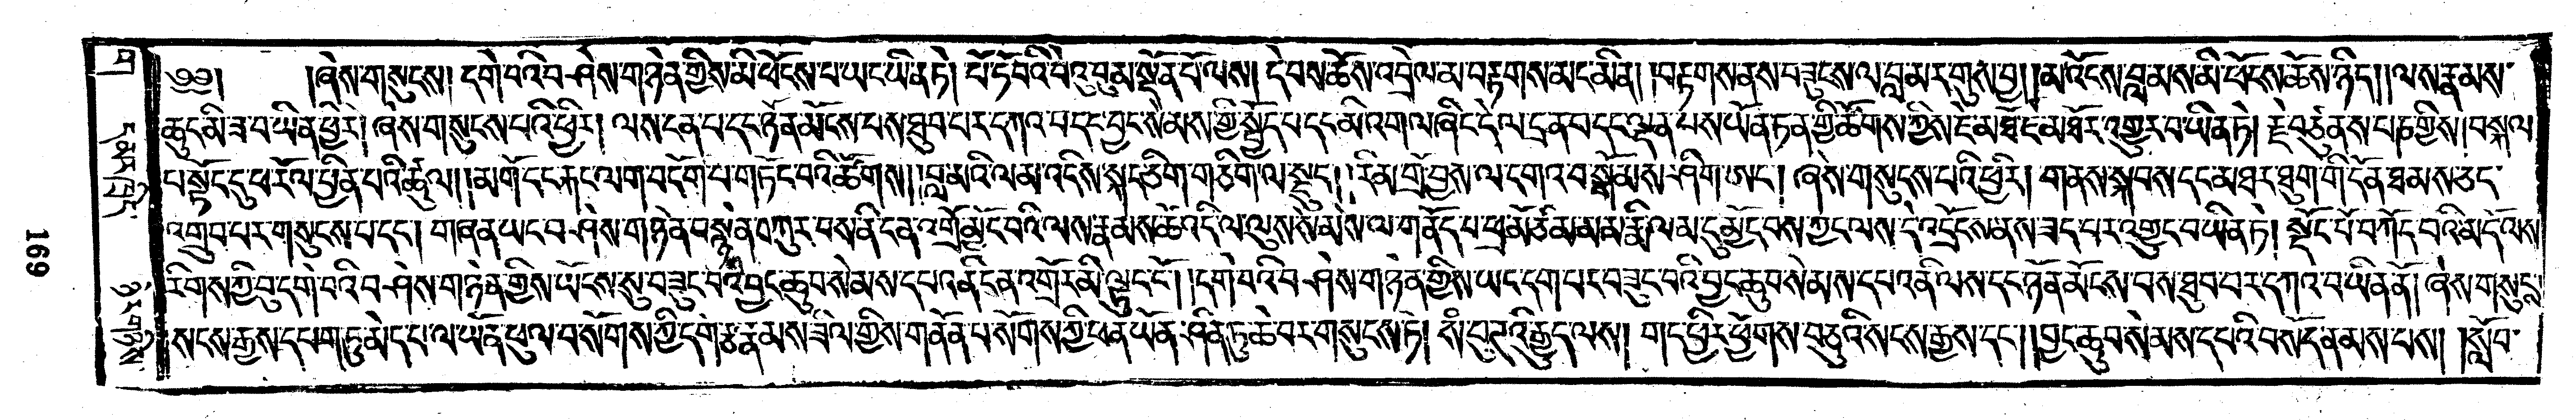༄༅། །ཞེས་གསུངས། དགེ་བའི་བཤེས་གཉེན་གྱིས་མི་ཕོངས་པ་ཡང་ཡིན་ཏེ། པོ་ཏོ་བའི་བེའུ་བུམ་སྔོན་པོ་ལས། དེ་བས་ཆོས་འབྲེལ་མ་བརྟགས་མང་མིན། །བརྟགས་ནས་བཟུངས་ལ་བླ་མར་གུས་བྱ། །མ་འོངས་བླ་མས་མི་ཕོངས་ཆོས་ཉིད། །ལས་རྣམས་
ཆུད་མི་ཟ་བ་ཡིན་ཕྱིར། ཞེས་གསུངས་པའི་ཕྱིར། ལས་ངན་པ་དང་ཉོན་མོངས་པས་ཐུབ་པར་དཀའ་བ་དང་བྱང་སེམས་ཀྱི་སྤྱོད་པ་དང་མི་འགལ་ཞིང་དེ་ལ་དྲན་པ་དང་ལྡན་པས་ཡོན་ཏན་གྱི་ཚོགས་ཀྱིས་ཇེ་མཐོ་ཇ་མཐོར་འགྱུར་བ་ཡིན་ཏེ། རྗེ་བཙུན་ས་པཎ་གྱིས། བསྐལ་
པ་སྟོང་དུ་ཕ་རོལ་ཕྱིན་པའི་ཚུལ། །མགོ་དང་རྐང་ལག་བདོག་པ་གཏོང་པའི་ཚོགས། །བླ་མའི་ལམ་འདིས་སྐད་ཅིག་གཅིག་ལ་སྡུད། །རིམ་གྲོ་བྱས་ལ་དགའ་བ་སྒོམས་ཤིག་ཨང་། ཞེས་གསུངས་པའི་ཕྱིར། གནས་སྐབས་དང་མཐར་ཐུག་གི་དོན་ཐམས་ཅད་
འགྲུབ་པར་གསུངས་པ་དང་། གཞན་ཡང་བཤེས་གཉེན་བསྙེན་བཀུར་བས་ནི་ངན་འགྲོ་མྱོང་བའི་ལས་རྣམས་ཚེ་འདི་ལ་ལུས་སེམས་ལ་གནོད་པ་ཕྲ་མོ་ཙམ་མ་མ་རྨི་ལམ་དུ་མྱོང་བས་ཀྱང་ལས་དེ་འདྲོངས་ནས་ཟད་པར་འགྱུང་བ་ཡིན་ཏེ། སྡོང་པོ་བཀོད་པའི་མདོ་ལས་
རིགས་ཀྱི་བུ་དགེ་བའི་བཤེས་གཉེན་གྱིས་ཡོངས་སུ་བཟུང་བའི་བྱང་ཆུབ་སེམས་དཔའ་ནི་ངན་འགྲོར་མི་ལྟུང་ངོ། །དགེ་བའི་བཤེས་གཉེན་གྱིས་ཡང་དག་པར་བཟུང་བའི་བྱང་ཆུབ་སེམས་དཔའ་ནི་ལས་དང་ཉོན་མོངས་བས་ཐུབ་པར་དཀའ་བ་ཡིན་ནོ། ཞེས་གསུངས་
སངས་རྒྱས་དཔག་ཏུ་མེད་པ་ལ་ཡོན་ཕུལ་བ་སོགས་ཀྱི་དགེ་རྩ་རྣམས་ཟིལ་གྱིས་གནོན་པ་སོགས་ཀྱི་ཕན་ཡོན་ཤིན་ཏུ་ཆེ་བར་གསུངས་ཏེ། སཾ་བུ་ཊའི་རྒྱུད་ལས། གང་ཕྱིར་ཕྱོགས་བཅུའི་སངས་རྒྱས་དང་། །བྱང་ཆུབ་སེམས་དཔའི་བསོད་ནམས་པས། །སློབ་